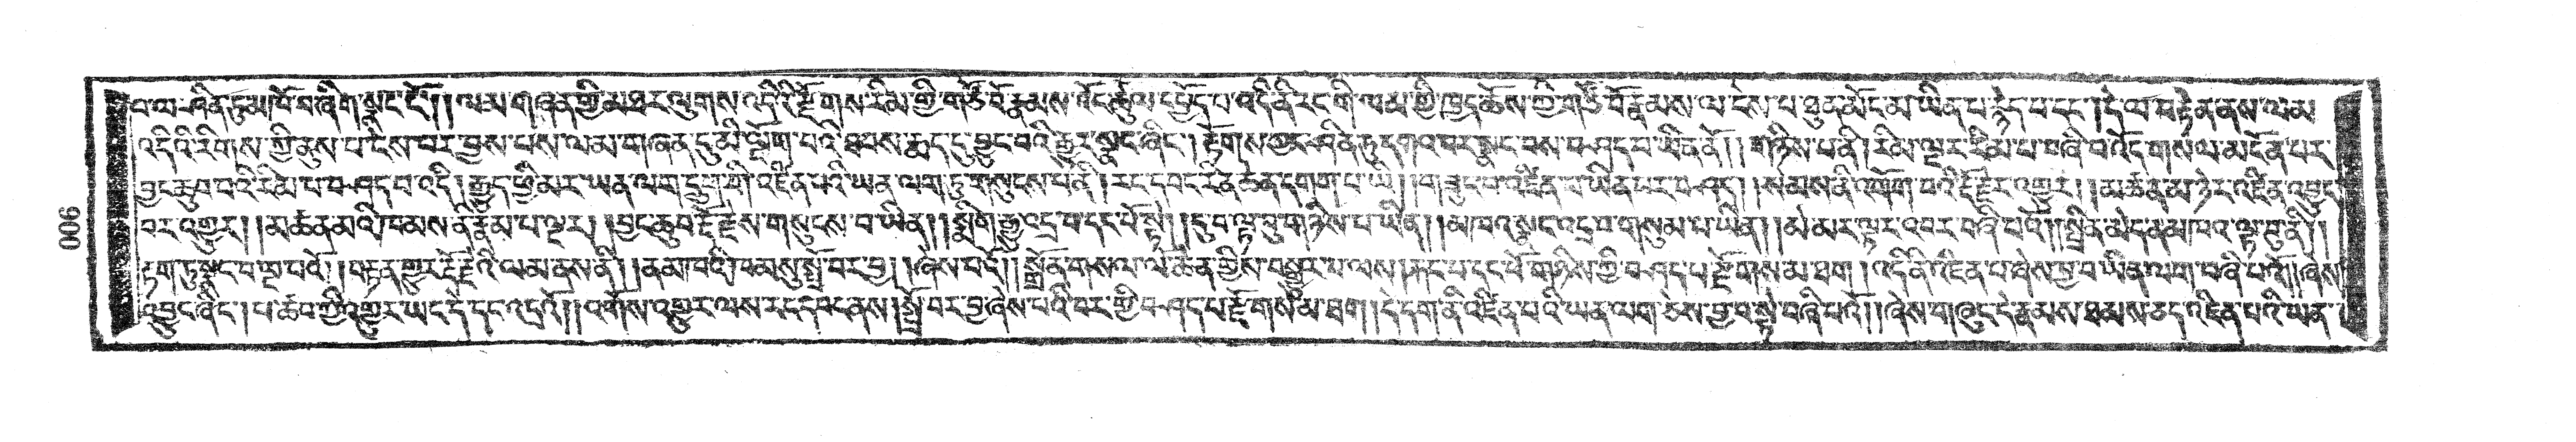པ་ལ་ཤིན་ཏུ་མཁོ་བ་ཞིག་སྣང་ངོ། །ལམ་གཞན་གྱི་མཐར་ལུགས་འདིའི་རྫོགས་རིམ་གྱི་གཙོ་བོ་རྣམས་འོང་ཚུལ་དཔྱོད་པ་འདི་ནི་རང་གི་ལམ་གྱི་ཁྱད་ཆོས་ཀྱི་གཙོ་བོ་རྣམས་ལ་ངེས་པ་ཐུན་མོང་མ་ཡིན་པ་རྙེད་པ་དང་། དེ་ལ་བརྟེན་ནས་ལམ་
འདིའི་རིགས་ཀྱི་ནུས་པ་ངེས་པར་བྱས་པས་ལམ་གཞན་དུ་མི་ལྡོག་པའི་ཐབས་རྨད་དུ་བྱུང་བའི་རྒྱུར་སྣང་ཞིང་། རྟོགས་ཀྱང་ཤིན་ཏུ་དཀའ་བར་སྣང་བས་བཤད་པ་ཡིན་ནོ། །གཉིས་པ་ནི། རིམ་ལྔར་རིམ་པ་བཞི་པ་འོད་གསལ་མངོན་པར་
བྱང་ཆུབ་པའི་རིམ་པ་བཤད་པ་འདི། རྒྱུད་ཕྱི་མར་ཡན་ལག་དྲུག་གི་འཛིན་པའི་ཡན་ལག་ཏུ་གསུངས་པ་ནི། རང་དབང་རིན་ཆེན་དགག་པ་ཡི། །གཟུང་བ་འཛིན་པ་ཡིན་པར་བཤད། །སེམས་ནི་འགོག་པའི་རྡོ་རྗེར་འགྱུར། །མཚན་མ་ཉེར་འཛིན་འབྱུང་
བར་འགྱུར། །མཚན་མའི་ཁམས་ནི་རྣམ་པ་ལྔར། །བྱང་ཆུབ་རྡོ་རྗེས་གསུངས་པ་ཡིན། །སྨིག་རྒྱུ་འདྲ་བ་དང་པོ་སྟེ། །དུ་བ་ལྟ་བུ་གཉིས་པ་ཡིན། །མཁའ་སྣང་འདྲ་བ་གསུམ་པ་ཡིན། །མེ་མར་ལྟར་འབར་བཞི་པའོ། །སྤྲིན་མེད་ནམ་མཁའ་ལྟ་བུ་ནི། །
རྟག་ཏུ་སྣང་བ་ལྔ་བའོ། །བརྟན་གྱུར་རྡོ་རྗེའི་ལམ་ནས་ནི། །ནམ་མཁའི་ཁམས་སུ་སྤྲོ་བར་བྱ། །ཞེས་པའོ། །སྒྲོན་གསལ་ལོ་ཆེན་གྱིས་བསྒྱུར་བ་ལས། རྐང་བ་དང་པོ་གཉིས་ཀྱི་བཤད་པ་རྫོགས་མ་ཐག །འདི་ནི་འཛིན་པ་ཞེས་བྱ་བ་ཡན་ལག་བཞི་པའོ། །ཞེས་
འབྱུང་ཞིང་། པ་ཚབ་ཀྱི་འགྱུར་ཡང་དེ་དང་འདྲའོ། །འགོས་འགྱུར་ལས་རང་དབང་ནས། སྤྲོ་བར་བྱ་ཞེས་པའི་བར་གྱི་བཤད་པ་རྫོགས་མ་ཐག །དེ་དག་ནི་འཛིན་པའི་ཡན་ལག་ཅེས་བྱ་བ་སྟེ་བཞི་པའོ། །ཞེས་གཞུང་དེ་རྣམས་ཐམས་ཅད་འཛིན་པའི་ཡན་